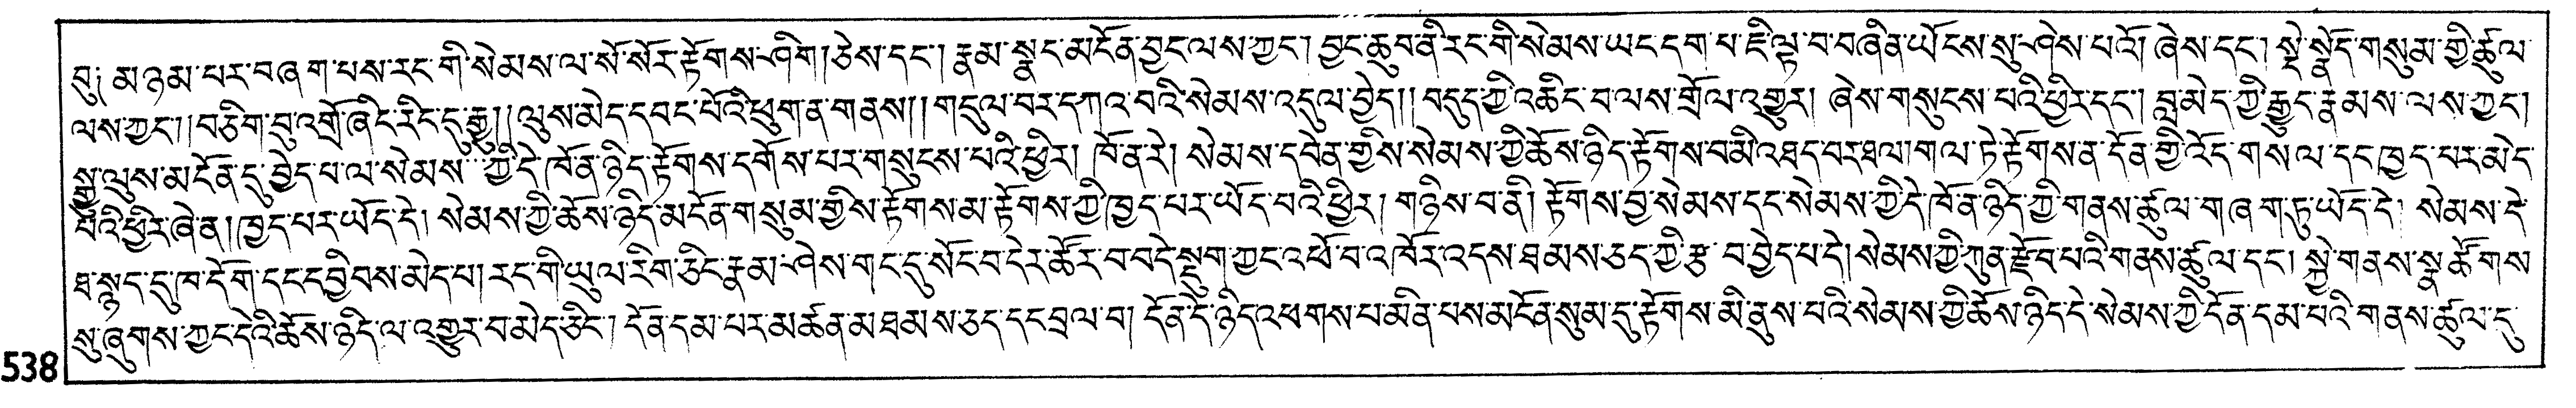བུ༑ མཉམ་པར་བཞག་པས་རང་གི་སེམས་ལ་སོ་སོར་རྟོགས་ཤིག །ཅེས་དང་། རྣམ་སྣང་མངོན་བྱང་ལས་ཀྱང་། བྱང་ཆུབ་ནི་རང་གི་སེམས་ཡང་དག་པ་ཇི་ལྟ་བ་བཞིན་ཡོངས་སུ་ཤེས་པའོ། །ཞེས་དང་། སྡེ་སྣོད་གསུམ་གྱི་ཚུལ་
ལས་ཀྱང་། །བཅིག་བུ་འགྲོ་ཞིང་རིང་དུ་རྒྱུ། །ལུས་མེད་དབང་པོའི་ཕུག་ན་གནས། །གདུལ་བར་དཀའ་བའི་སེམས་འདུལ་བྱེད། །བདུད་ཀྱི་འཆིང་བ་ལས་གྲོལ་འགྱུར། ཞེས་གསུངས་པའི་ཕྱིར་དང་། བླ་མེད་ཀྱི་རྒྱུད་རྣམས་ལས་ཀྱང་།
སྒྱུ་ལུས་མངོན་དུ་བྱེད་པ་ལ་སེམས་ཀྱི་དེ་ཁོ་ན་ཉིད་རྟོགས་དགོས་པར་གསུངས་པའི་ཕྱིར། ཁོ་ན་རེ། སེམས་དབེན་གྱིས་སེམས་ཀྱི་ཆོས་ཉིད་རྟོགས་བ་མི་འཐད་པར་ཐལ། གལ་ཏེ་རྟོགས་ན་དོན་གྱི་འོད་གསལ་དང་ཁྱད་པར་མེད་
པའི་ཕྱིར་ཞེ་ན། ཁྱད་པར་ཡོད་དེ། སེམས་ཀྱི་ཆོས་ཉིད་མངོན་གསུམ་གྱིས་རྟོགས་མ་རྟོགས་ཀྱི་ཁྱད་པར་ཡོད་པའི་ཕྱིར། གཉིས་བ་ནི། རྟོགས་བྱ་སེམས་དང་སེམས་ཀྱི་དེ་ཁོ་ན་ཉིད་ཀྱི་གནས་ཚུལ་གཞག་ཏུ་ཡོད་དེ། སེམས་དེ་
ཐ་སྙད་དུ་ཁ་དོག་དང་དབྱིབས་མེད་པ། རང་གི་ཡུལ་རིག་ཅིང་རྣམ་ཤེས་གང་དུ་སོང་བ་དེར་ཚོར་བ་བདེ་སྡུག་ཀྱང་འཕོ་བ་འཁོར་འདས་ཐམས་ཅད་ཀྱི་རྩ་བ་བྱེད་པ་དེ། སེམས་ཀྱི་ཀུན་རྫོབ་པའི་གནས་ཚུལ་དང་། སྐྱེ་གནས་སྣ་ཚོགས་
སུ་ཞུགས་ཀྱང་དེའི་ཆོས་ཉིད་ལ་འགྱུར་བ་མེད་ཅིང་། དོན་དམ་པར་མཚན་མ་ཐམས་ཅད་དང་བྲལ་བ། དོན་དེ་ཉིད་འཕགས་པ་མིན་པས་མངོན་སུམ་དུ་རྟོགས་མི་ནུས་པའི་སེམས་ཀྱི་ཆོས་ཉིད་དེ་སེམས་ཀྱི་དོན་དམ་པའི་གནས་ཚུལ་དུ་